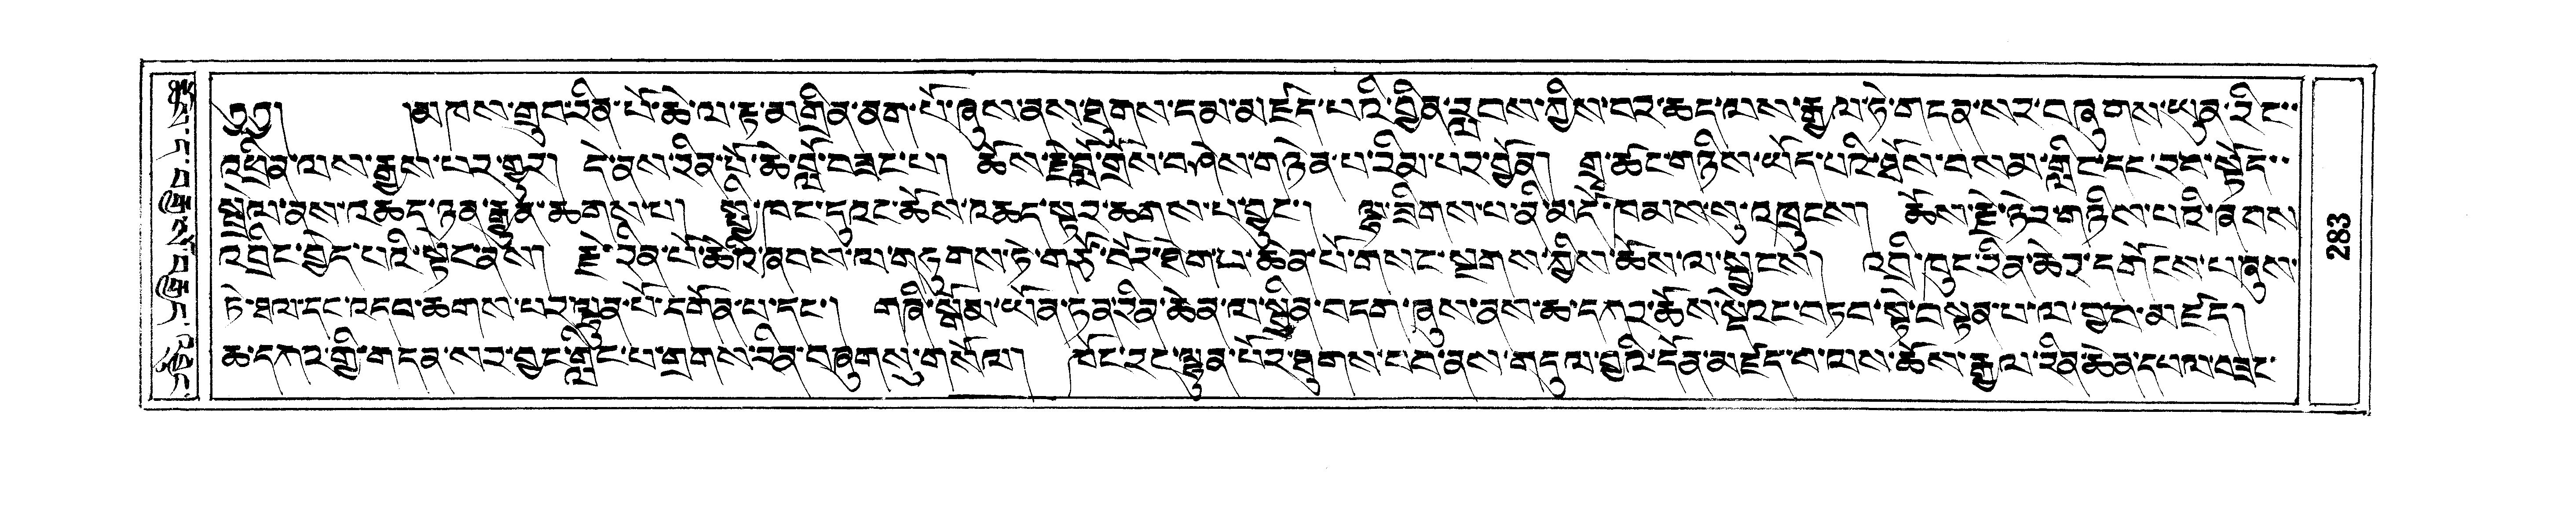༄༅། །མཁས་གྲུབ་རིན་པོ་ཆེ་ལ་རྟ་མགྲིན་ནག་པོ་ཞུས་ནས་ཐུགས་དམ་མཛད་པའི་བྱིན་རླབས་ཀྱིས་བར་ཆད་ལས་རྒྱལ་ཏེ་གདན་སར་བཞུགས་ཡུན་རིང་
འཕྲིན་ལས་རྒྱས་པར་གྱུར། དེ་ནས་རིན་པོ་ཆེ་བློ་བཟང་པ། ཆོས་རྗེ་བློ་གྲོས་བཤེས་གཉེན་པ་རིམ་པར་བྱོན། གྲྭ་ཚང་གཉིས་ཡོད་པའི་ཐོས་བསམ་གླིང་དང་རབ་སྟོད་
སྤྲེལ་ནས་འཆད་ཉན་རྒྱུན་ཆགས་པ། སྤྱི་ཁང་དང་ཆོས་འཆད་སྟར་ཆགས་པ་བྱུང་། ལྷ་ཟིགས་པ་ནི་མདོ་ཁམས་སུ་འཁྲུངས། ཆོས་རྗེ་ཉེར་གཉིས་པའི་ཞབས་
འབྲིང་བྱེད་པའི་སྟེང་ནས། རྗེ་རིན་པོ་ཆེའི་ཞབས་ལག་གཏུགས་ཏེ་གཙོ་བོར་ཐེག་པ་ཆེན་པོ་གསང་སྔགས་ཀྱིས་ཆོས་ལ་སྦྱངས། འབྲི་ཁུང་རིན་ཆེར་དགོས་པ་ཞུས་
ཏེ་ཐལ་དང་འདབ་ཆགས་པར་ལྷུན་པོ་དགོས་པ་དང་། གཞི་སྒོམ་ཡོན་ཏན་རིན་ཆེན་ལ་སྦྱིན་བདག་ཞུས་ནས་ཆ་དཀར་ཆོས་སྡེའང་བཏབ་སྟེ་བསྟན་པ་ལ་བྱ་བ་མཛད།
ཆ་དཀར་གྱི་གདན་སར་བྱང་གླིང་པ་གྲགས་རིན་བཞུགས་སུ་གསོལ། ཁོང་རང་ལྷུན་པོར་ཐུགས་བབ་ནས་གདུལ་བྱའི་དོན་མཛད་བ་ལས་ཆོས་རྒྱལ་རིན་ཆེན་དཔལ་བཟང་